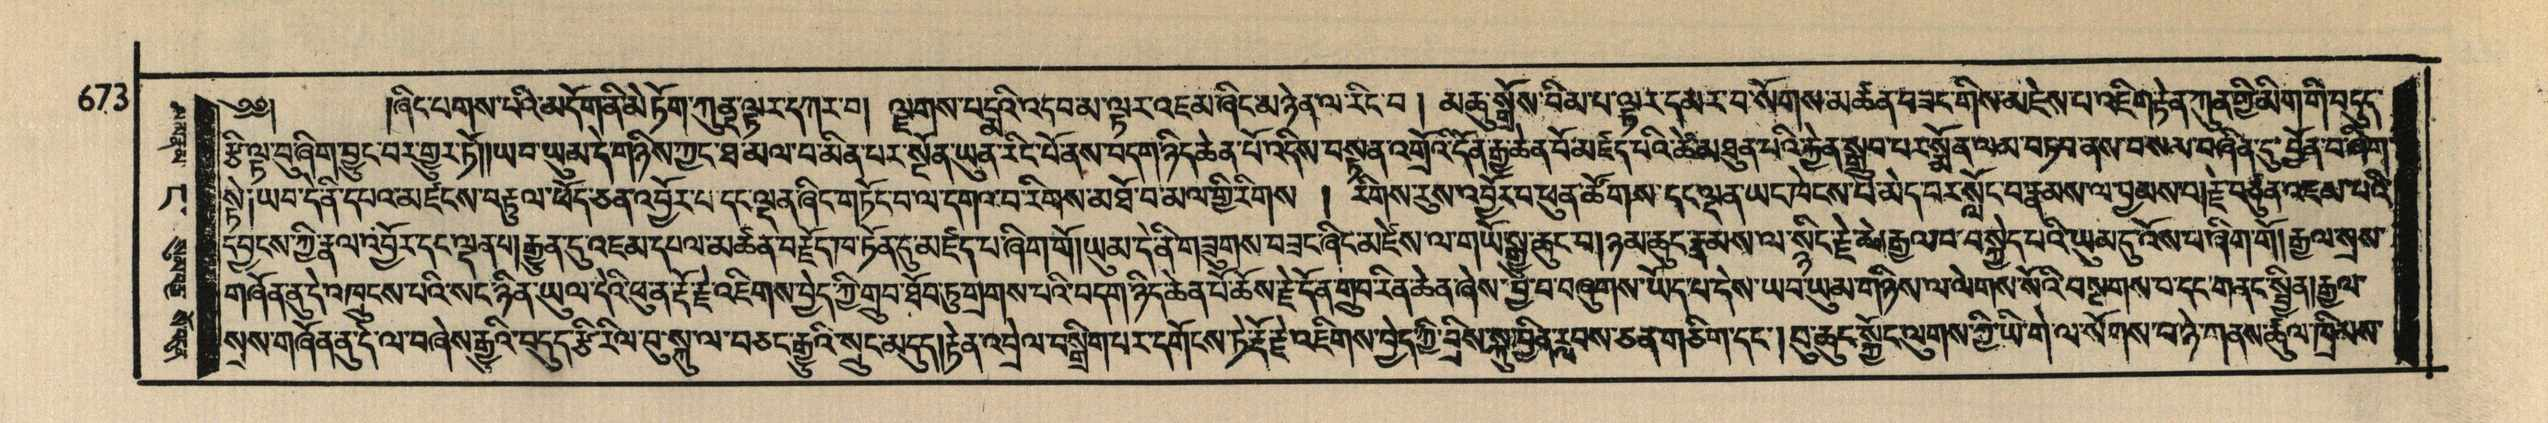༄༅། །ཞིང་པགས་པའི་མདོག་ནི་མེ་ཏོག་ཀུནྡ་ལྟར་དཀར་བ། ལྗགས་པདམའི་འདབ་མ་ལྟར་འཇམ་ཞིང་མཉེན་ལ་རིང་བ། མཆུ་སྒྲོས་བིམ་པ་ལྟར་དམར་བ་སོགས་མཚན་བཟང་གིས་མཇེས་པ་འཇིག་རྟེན་ཀུན་གྱི་མིག་གི་བདུད་
རྩི་ལྟ་བུ་ཞིག་བྱུང་བར་གྱུར་ཏོ། །ཡབ་ཡུམ་དེ་གཉིས་ཀྱང་ཐ་མལ་པ་མིན་པར་སྔོན་ཡུན་རིང་པོ་ནས་བདག་ཉིད་ཆེན་པོ་འདིས་བསྟན་འགྲོའི་དོན་རྒྱ་ཆེན་བོ་མཛད་པའི་ཚེ་མཐུན་པའི་རྐྱེན་སྒྲུབ་པར་སྨོན་ལམ་བཏབ་ནས་བསམ་བཞིན་དུ་བྱོན་བ་ཞིག་
སྟེ༑ ཡབ་དེ་ནི་དཔའ་མཛངས་བརྟུལ་ཕོད་ཅན་འབྱོར་པ་དང་ལྡན་ཞིང་གཏོང་བ་ལ་དགའ་བ་རིགས་མཐོ་བ་མལ་གྱི་རིགས་།རིགས་རུས་འབྱོར་བ་ཕུན་ཚོགས་དང་ལྡན་ཡང་ཁེངས་པ་མེད་པར་སློང་བ་རྣམས་ལ་བྱམས་བ། རྗེ་བཙུན་འཇམ་པའི་
དབྱངས་ཀྱི་རྣལ་འབྱོར་དང་ལྡན་པ། རྒྱུན་དུ་འཇམ་དཔལ་མཚན་བརྗོད་ཁ་ཏོན་དུ་མཛད་པ་ཞིག་གོ། ཡུམ་དེ་ནི་གཟུགས་བཟང་ཞིང་མཛེས་ལ་གཡོ་སྒྱུ་ཆུང་བ། ཉམ་ཆུང་རྣམས་ལ་སྙིང་རྗེ་ཆེ་བ། རྒྱལ་བ་བསྐྱེད་པའི་ཡུམ་དུ་འོས་པ་ཞིག་གོ། རྒྱལ་སྲས་
གཞོན་ནུ་དེ་འཁྲུངས་པའི་སང་ཉིན་ཡུལ་དེའི་ཕུན་རྡོ་རྗེ་འཇིགས་བྱེད་ཀྱི་གྲུབ་ཐོབ་ཏུ་གྲགས་པའི་བདག་ཉིད་ཆེན་པོ་ཆོས་རྗེ་དོན་གྲུབ་རིན་ཆེན་ཞེས་བྱ་བ་བཞུགས་ཡོད་པ་དེས་ཡབ་ཡུམ་གཉིས་ལ་ལེགས་སོའི་བསྔགས་བ་དང་གནང་སྦྱིན། རྒྱལ་
སྲས་གཞོན་ནུ་དེ་ལ་བཞེས་རྒྱུའི་བདུད་རྩི་རིལ་བུ་སྐུ་ལ་བཅང་རྒྱུའི་སྲུང་མདུད། རྟེན་འབྲེལ་བསྒྲིག་པར་དགོངས་ཏེ་རྡོ་རྗེ་འཇིགས་བྱེད་ཀྱི་བྲིས་སྐུ་བྱིན་རླབས་ཅན་གཅིག་དང་། བུ་ཆུང་སྐྱོང་ལུགས་ཀྱི་ཡི་གེ་ལ་སོགས་བ་ཉེ་གནས་ཚུལ་ཁྲིམས་